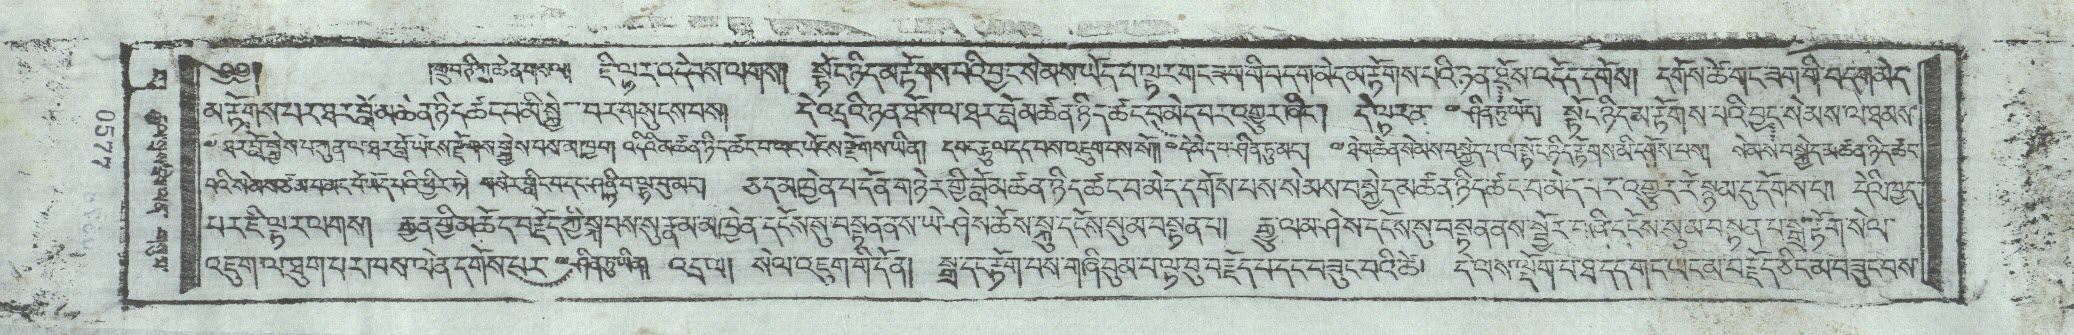༄༅། །གྲུབ་ཊིཀྲ་ཆེན་གསལ། ཇི་ལྟར་འདེབས་ལགས། སྟོང་ཉིད་མ་རྟོགས་པའི་བྱང་སེམས་ཡོད་པ་ལྟར་གང་ཟག་གི་བདག་མེད་མ་རྟོགས་པའི་ཉན་ཐོས་འདོད་དགོས། དགོས་ཚེ་གང་ཟག་གི་བདག་མེད་
མ་རྟོགས་པར་ཐར་བློ་མཆེན་ཉིད་ཚང་བ་མི་སྐྱེ་བར་གསུངས་པས། དེ་འདྲའི་ཉན་ཐོས་ལ་ཐར་བློ་མཚན་ཉིད་ཚང་བ་མེད་པར་འགྱུར་ཞིང་། དེ་ལྟར་ན་༧ཤིན་ཏུ་ཡོད།  སྟོང་ཉིད་མ་རྟོགས་པའི་བྱང་སེམས་ལ་ཐམས་
༧ཐར་བློ་སྐྱེས་པ་ཀུན་ལ་ཐར་སྒོ་ཡོངས་རྫོགས་སྐྱེས་པས་མ་ཁྱབ། འདིའི་མཚན་ཉིད་ཚང་བ་ཡང་ཡོངས་རྫོགས་ཡིན། དབང་རྟུལ་དད་པས་འཇུག་པས་སོ།། ༧དེ་མེད་བ་ཤིན་ཏུ་མང་། ༧ཐེག་ཆེན་སེམས་བསྐྱེད་པ་ལ་སྟོང་ཉིད་རྟོགས་མི་དགོས་པས། སེམས་བསྐྱེད་མཚན་ཉིད་ཚང་
བའི་སེམས་ཙམ་པ་མང་པོ་ཡོད་པའི་ཕྱིར་ཏེ། གསེར་གླིང་བ་དང་ཤནྟི་བ་ལྟ་བུ་མང་། ཅད་མཁྱེན་པ་དོན་གཉེར་གྱི་བློ་མཚན་ཉིད་ཚང་བ་མེད་དགོས་པས་སེམས་བསྐྱེད་མཚན་ཉིད་ཚང་བ་མེད་པར་འགྱུར་རོ་སྙམ་དུ་དོགས་པ། དེའི་ཁྱད་
པར་ཇི་ལྟར་ལགས། རྒྱན་གྱི་མཆོད་བརྗོད་ཀྱི་སྐབས་སུ་རྣམ་མཁྱེན་དངོས་སུ་བསྟན་ནས་ཡེ་ཤེས་ཆོས་སྐུ་དངོས་སུ་མ་བསྟན་པ། རྒྱུ་ལམ་ཤེས་དངོས་སུ་བསྟན་ནས་སྦྱོར་བཞི་དངོས་སུ་མ་བསྟན་པ་སྒྲ་རྟོག་སེལ་
འཇུག་ལ་ཐུག་པར་ཁས་ལེན་དགོས་པར་༧ཤིན་ཏུ་ཡིན།  འདྲ་ལ། སེལ་འཇུག་གི་དོན། སྒྲ་དང་རྟོག་པས་གཞི་བུམ་པ་ལྟ་བུ་བརྗོད་པ་དང་བཟུང་བའི་ཚེ། དེ་ལས་ལྡོག་པ་ཐ་དད་གང་ཡང་མ་བརྗོད་ཅིང་མ་བཟུང་བས་